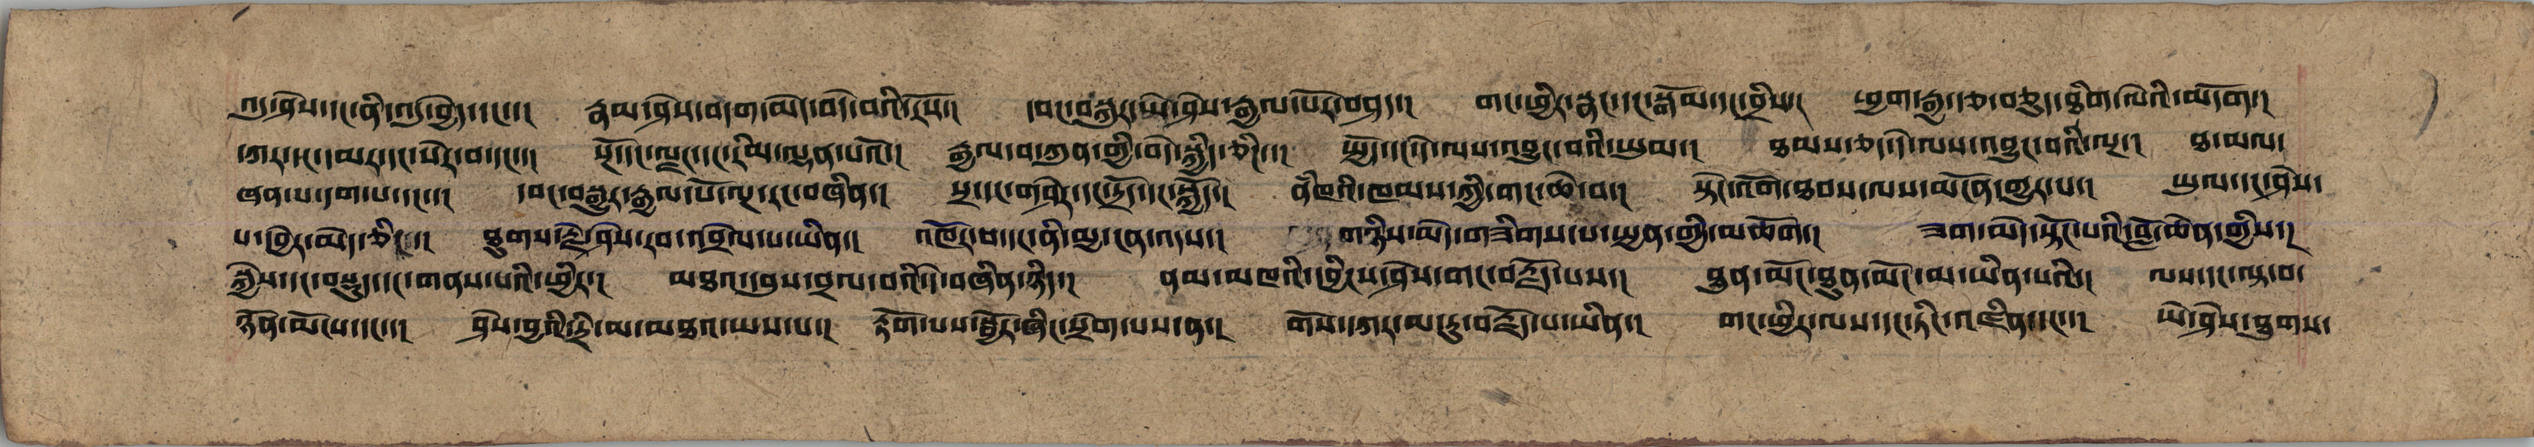འདུ་ཤེས་དང་ནི་འདུ་བྱེད་དང་་། རྣམ་ཤེས་བདག་མེད་བདེ་བའི་རོས་། དབང་བསྐུར་ཡེ་ཤེས་རྒྱལ་པོར་བཤད་། གང་ཕྱིར་སྣང་དང་སྒོམ་དང་བྲིས་། ཕྱག་རྒྱ་རྩ་བཅུད་ཐིག་ལེའི་མདོག་།
དཀར་དང་དམར་དང་སེར་བ་དང་་། སྔོ་དང་ལྗང་དང་རིམ་ལྡན་པའོ་། རྒྱལ་བ་ཀུན་གྱི་བདེ་སྐྱིད་ཅིང་་། སྤྱོད་དང་དེ་ལས་འབྱུང་བའི་ཡུལ་། ཐམས་ཅད་དེ་ལས་འབྱུང་བའི་ལྔ་། ཐ་མལ་
ཞན་པ་དག་པ་དང་་། དབང་བསྒྱུར་རྒྱལ་པོ་ལྔ་རང་བཞིན་། སྲ་དང་གཤེར་དང་དྲོད་དང་སྐྱོད་། ནཾཁའི་ཁམས་ཀྱི་གང་ཆེ་བ་། སྟེང་འོག་ཐབས་ལས་མངོན་གྱུར་པ་། ཡུལ་དང་ཤེས་
པ་དབྱེར་མེད་ཅིང་་། ཐུགས་རྗེ་ཤེས་རབ་འབྲེལ་པ་ཡིན་། འཁོར་བ་དང་ནི་མྱ་ངན་འདས་། གཉིས་མེད་གཟིགས་པ་སྤྱན་གྱི་མཆོག་། ཟག་མེད་སྟོང་པའི་བློ་ཆེན་གྱིས་།
སྐྱེས་དང་བསྡུད་དང་གནས་པའི་ཕྱིར་། མཐའ་དབུས་བྲལ་བའི་དེ་བཞིན་ཉིད་། ནམ་མཁའི་དབྱིངས་ཤེས་གང་བརྗོད་པས་། ཐུན་མོང་ཐུན་མོང་མ་ཡིན་པའི་། ལས་དང་ལྟ་བ་
ཉོན་མོངས་དང་་། ཤེས་བྱའི་དྲི་མ་མཐའ་ཡས་པ་། རྟོག་པས་སྦྱོར་ཞིང་སྲེག་པས་ན་། གོས་དཀར་མ་རུ་བརྗོད་པ་ཡིན་། གང་ཕྱིར་ལས་དང་ཏིང་འཛིན་དང་་། ཡེ་ཤེས་ཐུགས་